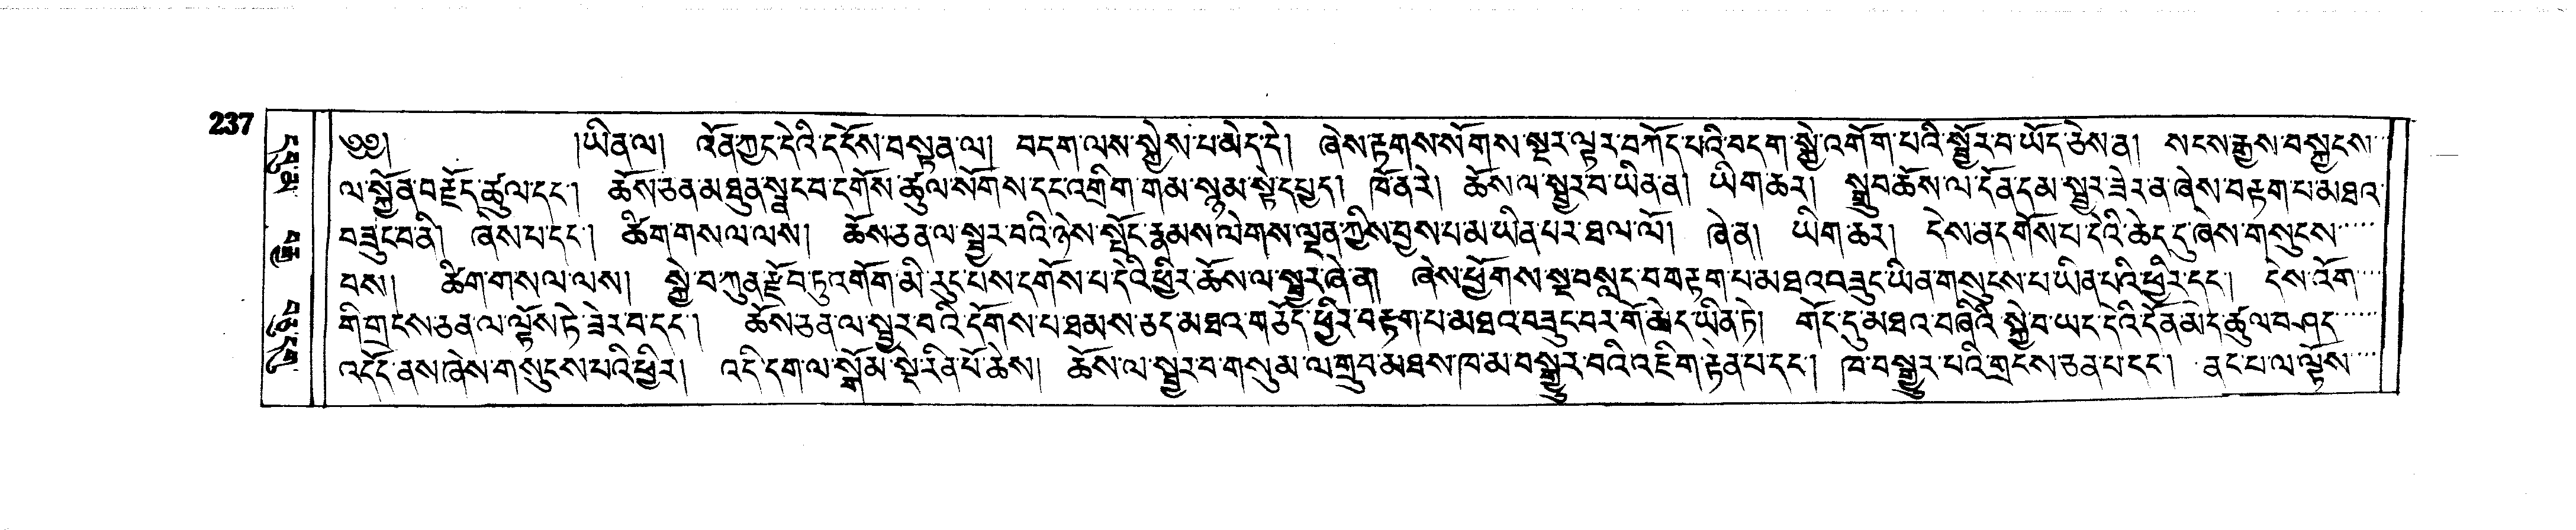༄༅། །ཡིན་ལ། འོན་ཀྱང་དེའི་དངོས་བསྟན་ལ། བདག་ལས་སྐྱེས་པ་མེད་དེ། ཞེས་རྟགས་སོགས་སྔར་ལྟར་བཀོད་པའི་བདག་སྐྱེ་འགོག་པའི་སྦྱོར་བ་ཡོད་ཅེས་ན། སངས་རྒྱས་བསྐྱངས་
ལ་སྐྱོན་བརྗོད་ཚུལ་དང་། ཆོས་ཅན་མཐུན་སྣང་བ་དགོས་ཚུལ་སོགས་དང་འགྲིག་གམ་སྙམ་སྟེ་དཔྱད། ཁོ་ན་རེ། ཆོས་ལ་སྦྱར་བ་ཡིན་ན། ཡིག་ཆར། སྒྲུབ་ཆོས་ལ་དོན་དམ་སྦྱར་ཟེར་ན་ཞེས་བརྟག་པ་མཐའ་
བཟུང་བ་ནི། ཞེས་པ་དང་། ཚིག་གསལ་ལས། ཆོས་ཅན་ལ་སྦྱར་བའི་ཉེས་སྤོང་རྣམས་ལེགས་ལྡན་ཀྱིས་བྱས་པ་མ་ཡིན་པར་ཐལ་ལོ། ཞེ་ན། ཡིག་ཆར། དེས་ན་དགོས་པ་དེའི་ཆེད་དུ་ཞེས་གསུངས་
པས། ཚིག་གསལ་ལས། སྐྱེ་བ་ཀུན་རྫོབ་ཏུ་འགོག་མི་རུང་པས་དགོས་པ་དེའི་ཕྱིར་ཆོས་ལ་སྦྱར་ཞེ་ན། ཞེས་ཕྱོགས་སྔ་བསླང་བ་བརྟག་པ་མཐའ་བཟུང་ཡིན་གསུངས་པ་ཡིན་པའི་ཕྱིར་དང་། དེས་འོག་
གི་གྲངས་ཅན་ལ་ལྟོས་ཏེ་ཟེར་བ་དང་། ཆོས་ཅན་ལ་སྦྱར་བའི་དོགས་པ་ཐམས་ཅད་མཐའ་གཅོད་ཕྱིར་བརྟག་པ་མཐའ་བཟུང་བར་གོ་ཆེད་ཡིན་ཏེ། གོང་དུ་མཐའ་བཞིའི་སྐྱེ་བ་ཡང་དེའི་དོན་མེད་ཚུལ་བཤད་
འདོད་ནས་ཞེས་གསུངས་པའི་ཕྱིར། འདི་དག་ལ་སྒོམ་སྡེ་རིན་པོ་ཆེས། ཆོས་ལ་སྦྱར་བ་གསུམ་ལ་གྲུབ་མཐས་ཁ་མ་བསྒྱུར་བའི་འཇིག་རྟེན་པ་དང་། ཁ་བསྒྱུར་པའི་གྲངས་ཅན་པ་དང་། ནང་པ་ལ་ལྟོས་